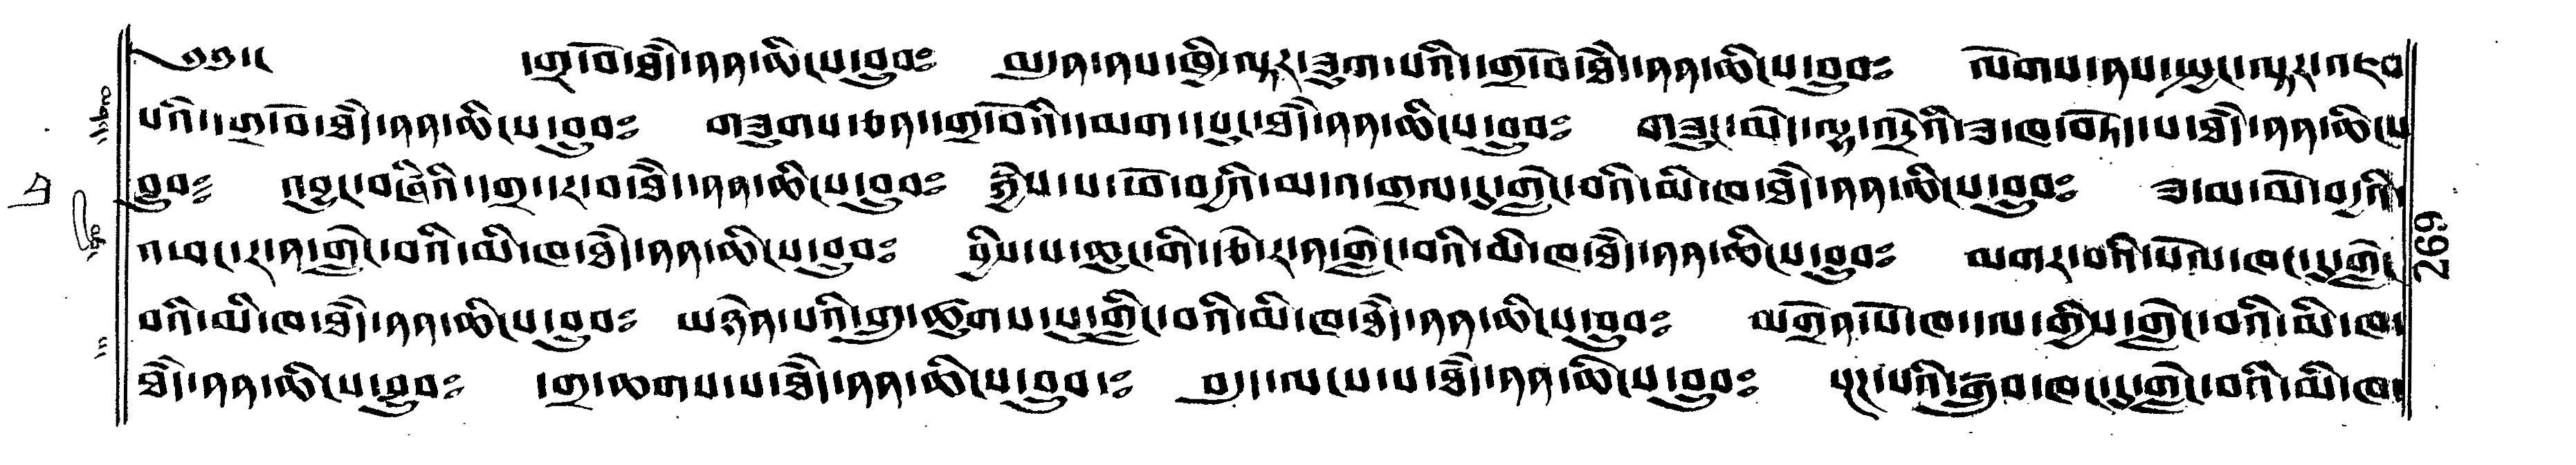ཐམས་ཅད་ནན་ཆིངས་བྲུབསཿ མདུན་ནས་ཁྱི་ལྟར་ཟུག་པའི་དགྲ་བོ་ཐམས་ཅད་ནན་ཆིངས་བྲུབསཿ ལོགས་ནས་སྤྱང་ལྟར་འཇབ་
པའི་དགྲ་བོ་ཐམས་ཅད་ནན་ཆིངས་བྲུབསཿ གཟུགས་ཅན་དགྲ་བོའི་དམག་དཔུང་ཐམས་ཅད་ནན་ཆིངས་བྲུབསཿ གཟུགས་མེད་ལྷ་འདྲེའི་ཟ་ཁ་གཏོད་པ་ཐམས་ཅད་ནན་ཆིངས་
བྲུབསཿ འབྱུང་བཞིའི་དགྲ་དར་བ་ཐམས་ཅད་ནན་ཆིངས་བྲུབསཿ སྐྱེས་པ་ཕོ་བརྒྱའི་མདའ་གྲལ་དུ་གླེང་བའི་མི་ཁ་ཐམས་ཅད་ནན་ཆིངས་བྲུབསཿ ཟ་མ་མོ་བརྒྱའི་
འཕང་ར་ན་གླེང་བའི་མི་ཁ་ཐམས་ཅད་ནན་ཆིངས་བྲུབསཿ བྱིས་པ་ཆུང་གི་རྩེ་ར་ན་གླེང་བའི་མི་ཁ་ཐམས་ཅད་ནན་ཆིངས་བྲུབསཿ མགར་བའི་སོལ་ཁང་དུ་གླེང་
བའི་མི་ཁ་ཐམས་ཅད་ནན་ཆིངས་བྲུབསཿ མཉན་པའི་གྲུ་ཚུགས་སུ་གླེང་བའི་མི་ཁ་ཐམས་ཅད་ནན་ཆིངས་བྲུབསཿ མགྲོན་པོ་ཁ་དལ་གྱིས་གླེང་བའི་མི་ཁ་
ཐམས་ཅད་ནན་ཆིངས་བྲུབསཿ དགྲ་ཆགས་པ་ཐམས་ཅད་ནན་ཆིངས་བྲུབསཿ བདུད་ལངས་པ་ཐམས་ཅད་ནན་ཆིངས་བྲུབསཿ སྔགས་པའི་སྒྲུབ་ཁང་དུ་གླེང་བའི་མི་ཁ